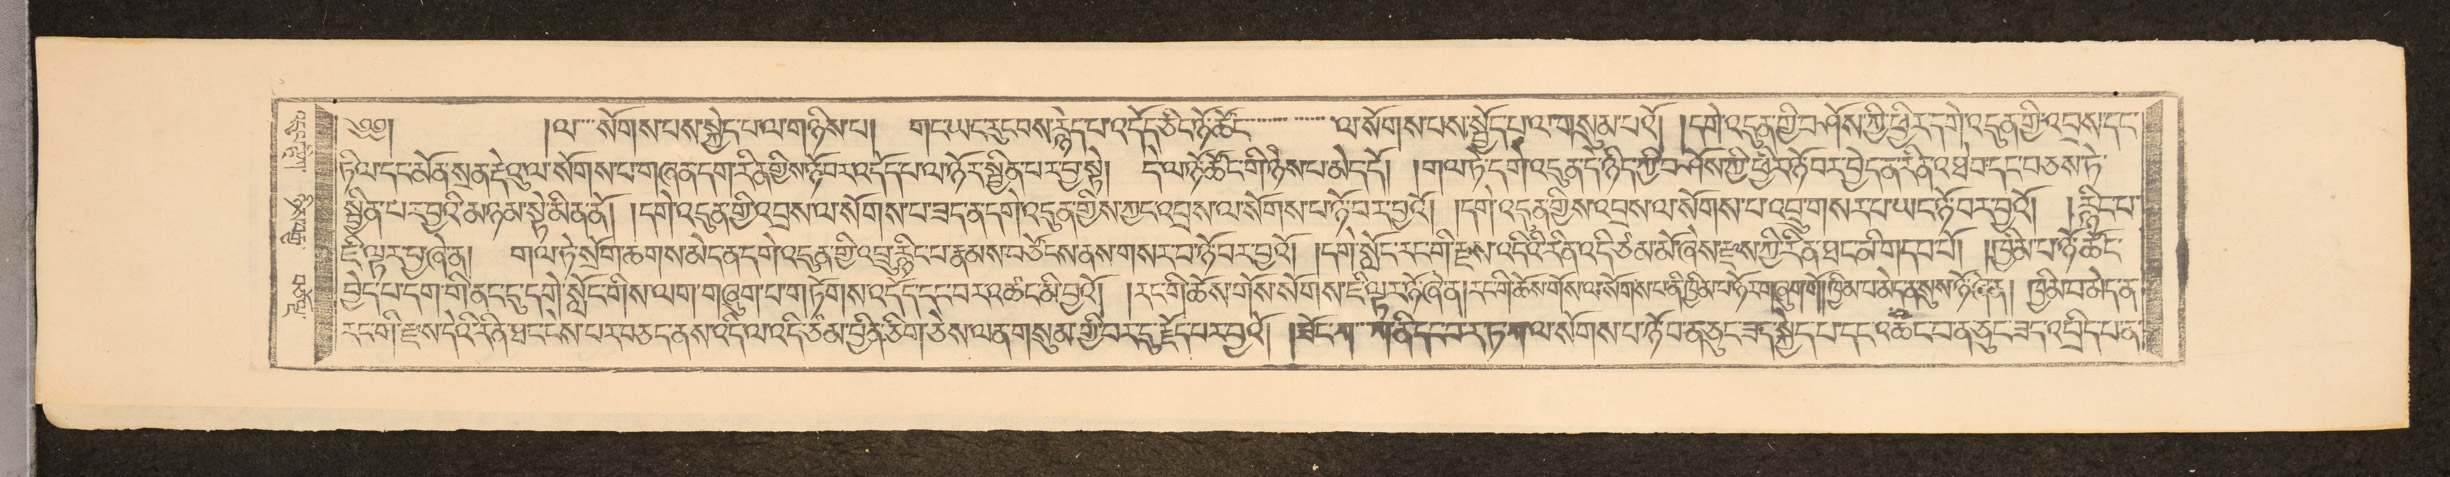༄༅། །ལ་སོགས་པས་སྐྱེད་པ་ལ་གཉིས་པ། གང་ཡང་རུང་བས་རྙེད་པ་འདོད་ཅིང་ཉོ་ཚོང་ལ་སོགས་པས་སྤྱོད་པ་ལ་གསུམ་པའོ། །དགེ་འདུན་གྱི་བཤོས་ཀྱི་ཕྱིར་དགེ་འདུན་གྱི་འབྲས་དང་
ཏིལ་དང་མོན་སྲན་རྡེའུ་ལ་སོགས་པ་གཞན་དག་རིན་གྱིས་ཉོ་བར་འདོད་པ་ལ་ཉོར་སྦྱིན་པར་བྱ་སྟེ། དེ་ལ་ཉོ་ཚོད་གི་ཉེས་པ་མེད་དོ། །གལ་ཏེ་དགེ་འདུན་དེ་ཉིད་ཀྱི་བཤོས་ཀྱི་ཕྱིར་ཉོ་བར་བྱེད་ན་རིན་འཐེབ་དང་བཅས་ཏེ་
སྦྱིན་པར་བྱའི་མཉན་སྟེ་མིན་ནོ། །དགེ་འདུན་གྱི་འབྲས་ལ་སོགས་པ་ཟད་ན་དགེ་འདུན་གྱིས་ཀྱང་འབྲས་ལ་སོགས་པ་ཉོ་བར་བྱའོ། །དགེ་འདུན་གྱིས་འབྲས་ལ་སོགས་པ་འབྲུ་གསར་པ་ཡང་ཉོ་བར་བྱའོ། །རྙིང་པ་
ཇི་ལྟར་བྱ་ཞེ་ན། གལ་ཏེ་སྲོག་ཆགས་མེད་ན་དགེ་འདུན་གྱི་འབྲུ་རྙིང་པ་རྣམས་བཙོངས་ནས་གསར་བ་ཉོ་བར་བྱའོ། །དགེ་སློང་རང་གི་རྫས་འདིའི་རིན་འདི་ཙམ་མོ་ཞེས་རྫས་ཀྱི་རིན་ཐང་མི་གདབ་བོ། །ཁྱིམ་པ་ཉོ་ཚོང་
བྱེད་པ་དག་གི་ནང་དུ་དགེ་སློང་གིས་ལག་གཞུག་པ་གཏོགས་འདོད་དང་བར་འཚང་མི་བྱའོ། །རང་གི་ཆོས་གོས་སོགས་ཇི་ལྟར་ཉོ་ཞེ་ན། རང་གི་ཆོས་གོས་ལ་སོགས་པ་ནི་ཁྱིམ་པ་ཉོར་གཞུག་གོ །ཁྱིམ་པ་མེད་ན་སུས་ཉོ་ཞེ་ན་།ཁྱིམ་པ་མེད་ན་
རང་གི་རྗས་དེའི་རིན་ཐང་ངེས་པར་བཅད་ནས་འདི་ལ་འདི་ཙམ་བྱི་ཅིག་ཅེས་ལན་གསུམ་གྱི་བར་དུ་རྗོད་པར་བྱའོ། །ཟོང་ཀ་ཀ་ནི་དང་བ་ར་ཀ་ལ་སོགས་པ་ཉོ་བ་ན་ཅུང་ཟད་སྐྱེད་པ་དང་འཚོང་བ་ན་ཅུང་ཟད་འབྲིད་པ་ནི་